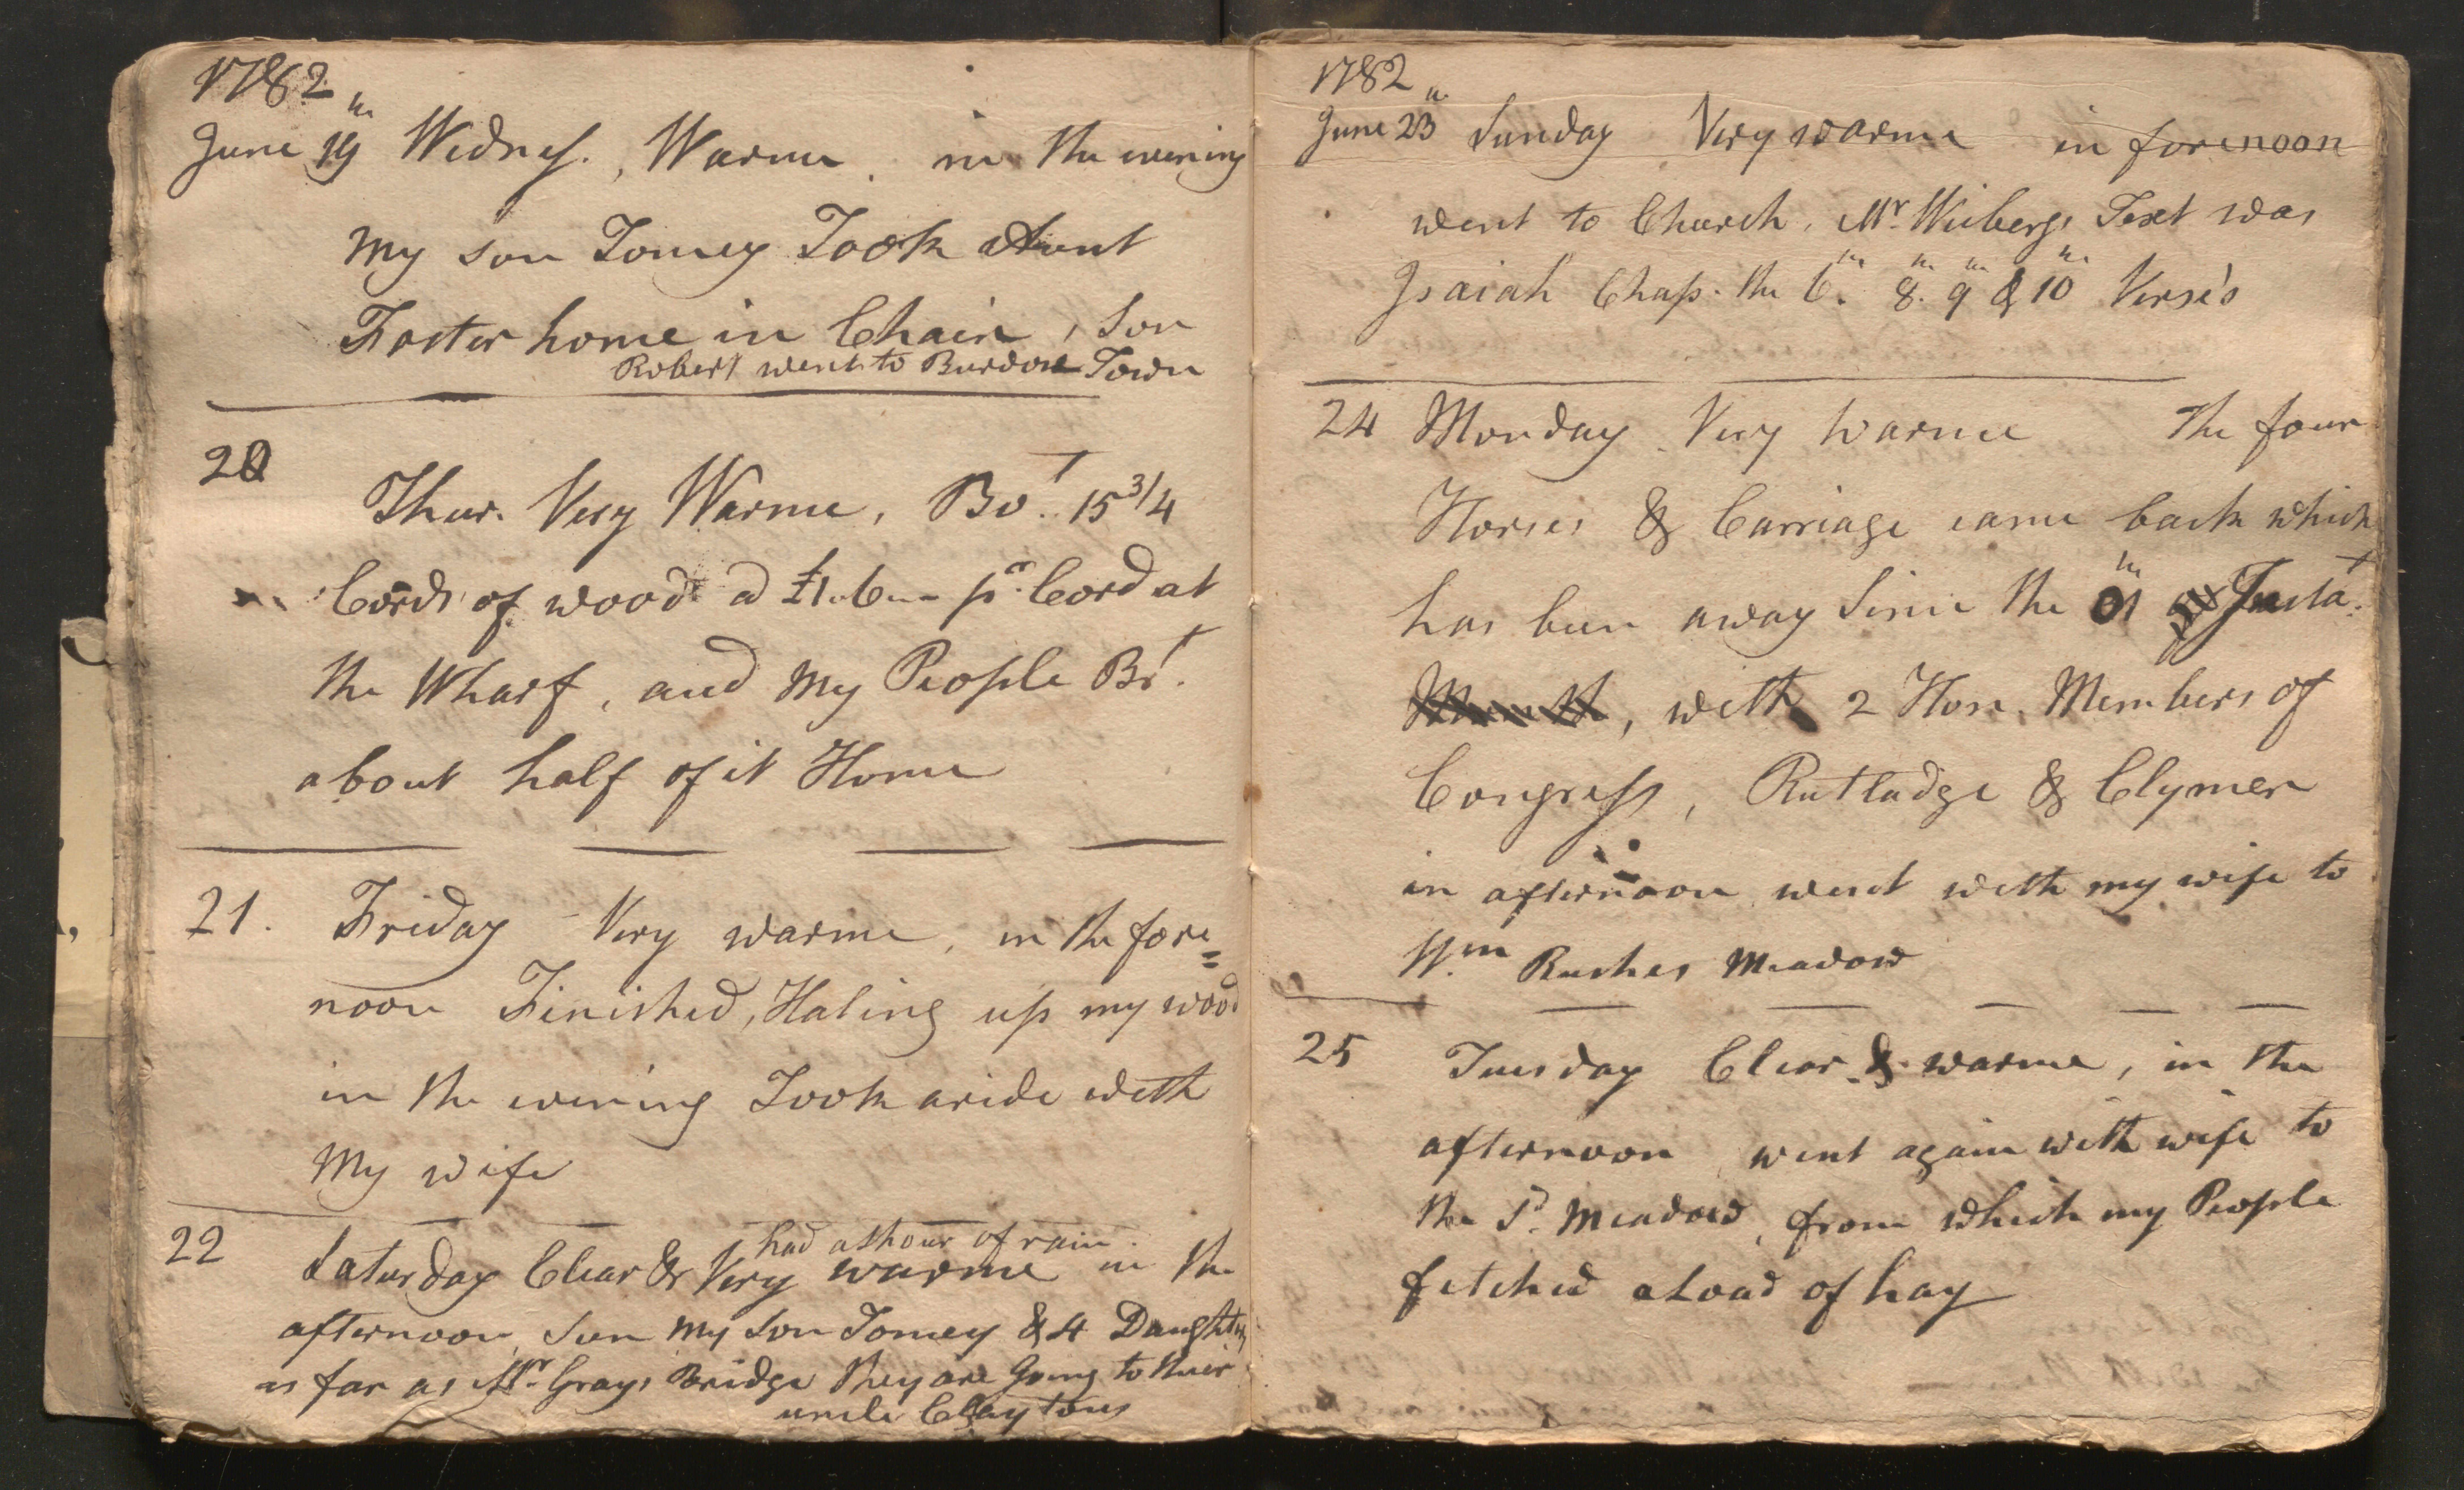1782
June 19^th Wednes., Warme in the evening
My son Tomey Took Aunt
Foster home in Chair, Son
Robert went to Burdon Town
20
Thur Very Warme, Bo^t. 15 3/4
Cords of wood @ £1.6. p^r. Cord at
the Wharf, and my People Br^t.
about half of it Home
21. Friday Very warme, in the fore
noon Finished, Haling up my wood.
in the evening Took a ride with
My wife
had a shour of rain
22 Saturday Clear & Very warme in the
afternoon sun my son Tomey & 4 Daughtrs
as far as M^r. Grays Bridge they are going to their
uncle Claytons
1782
June 23^th Sunday Very warme in forenoon
went to Church, M^r. Weibergs Text was
Isaiah Chap. the 6^th. 8^th. 9^th & 10^th Verse's
24 Monday Very warme The four
Horses & Carriage came back which
has been away since the 01^th [of] Insta^t:
[Month], with 2 Hon. Members of
Cougress. Rutladge & Clymer
in afternoon went with my wife to
W^m. Rushes Meadow
25 Tuesday Clear & warme, in the
afternoon went again with wife to
the s^d. Meadew from which my People
fetched a Load of hay